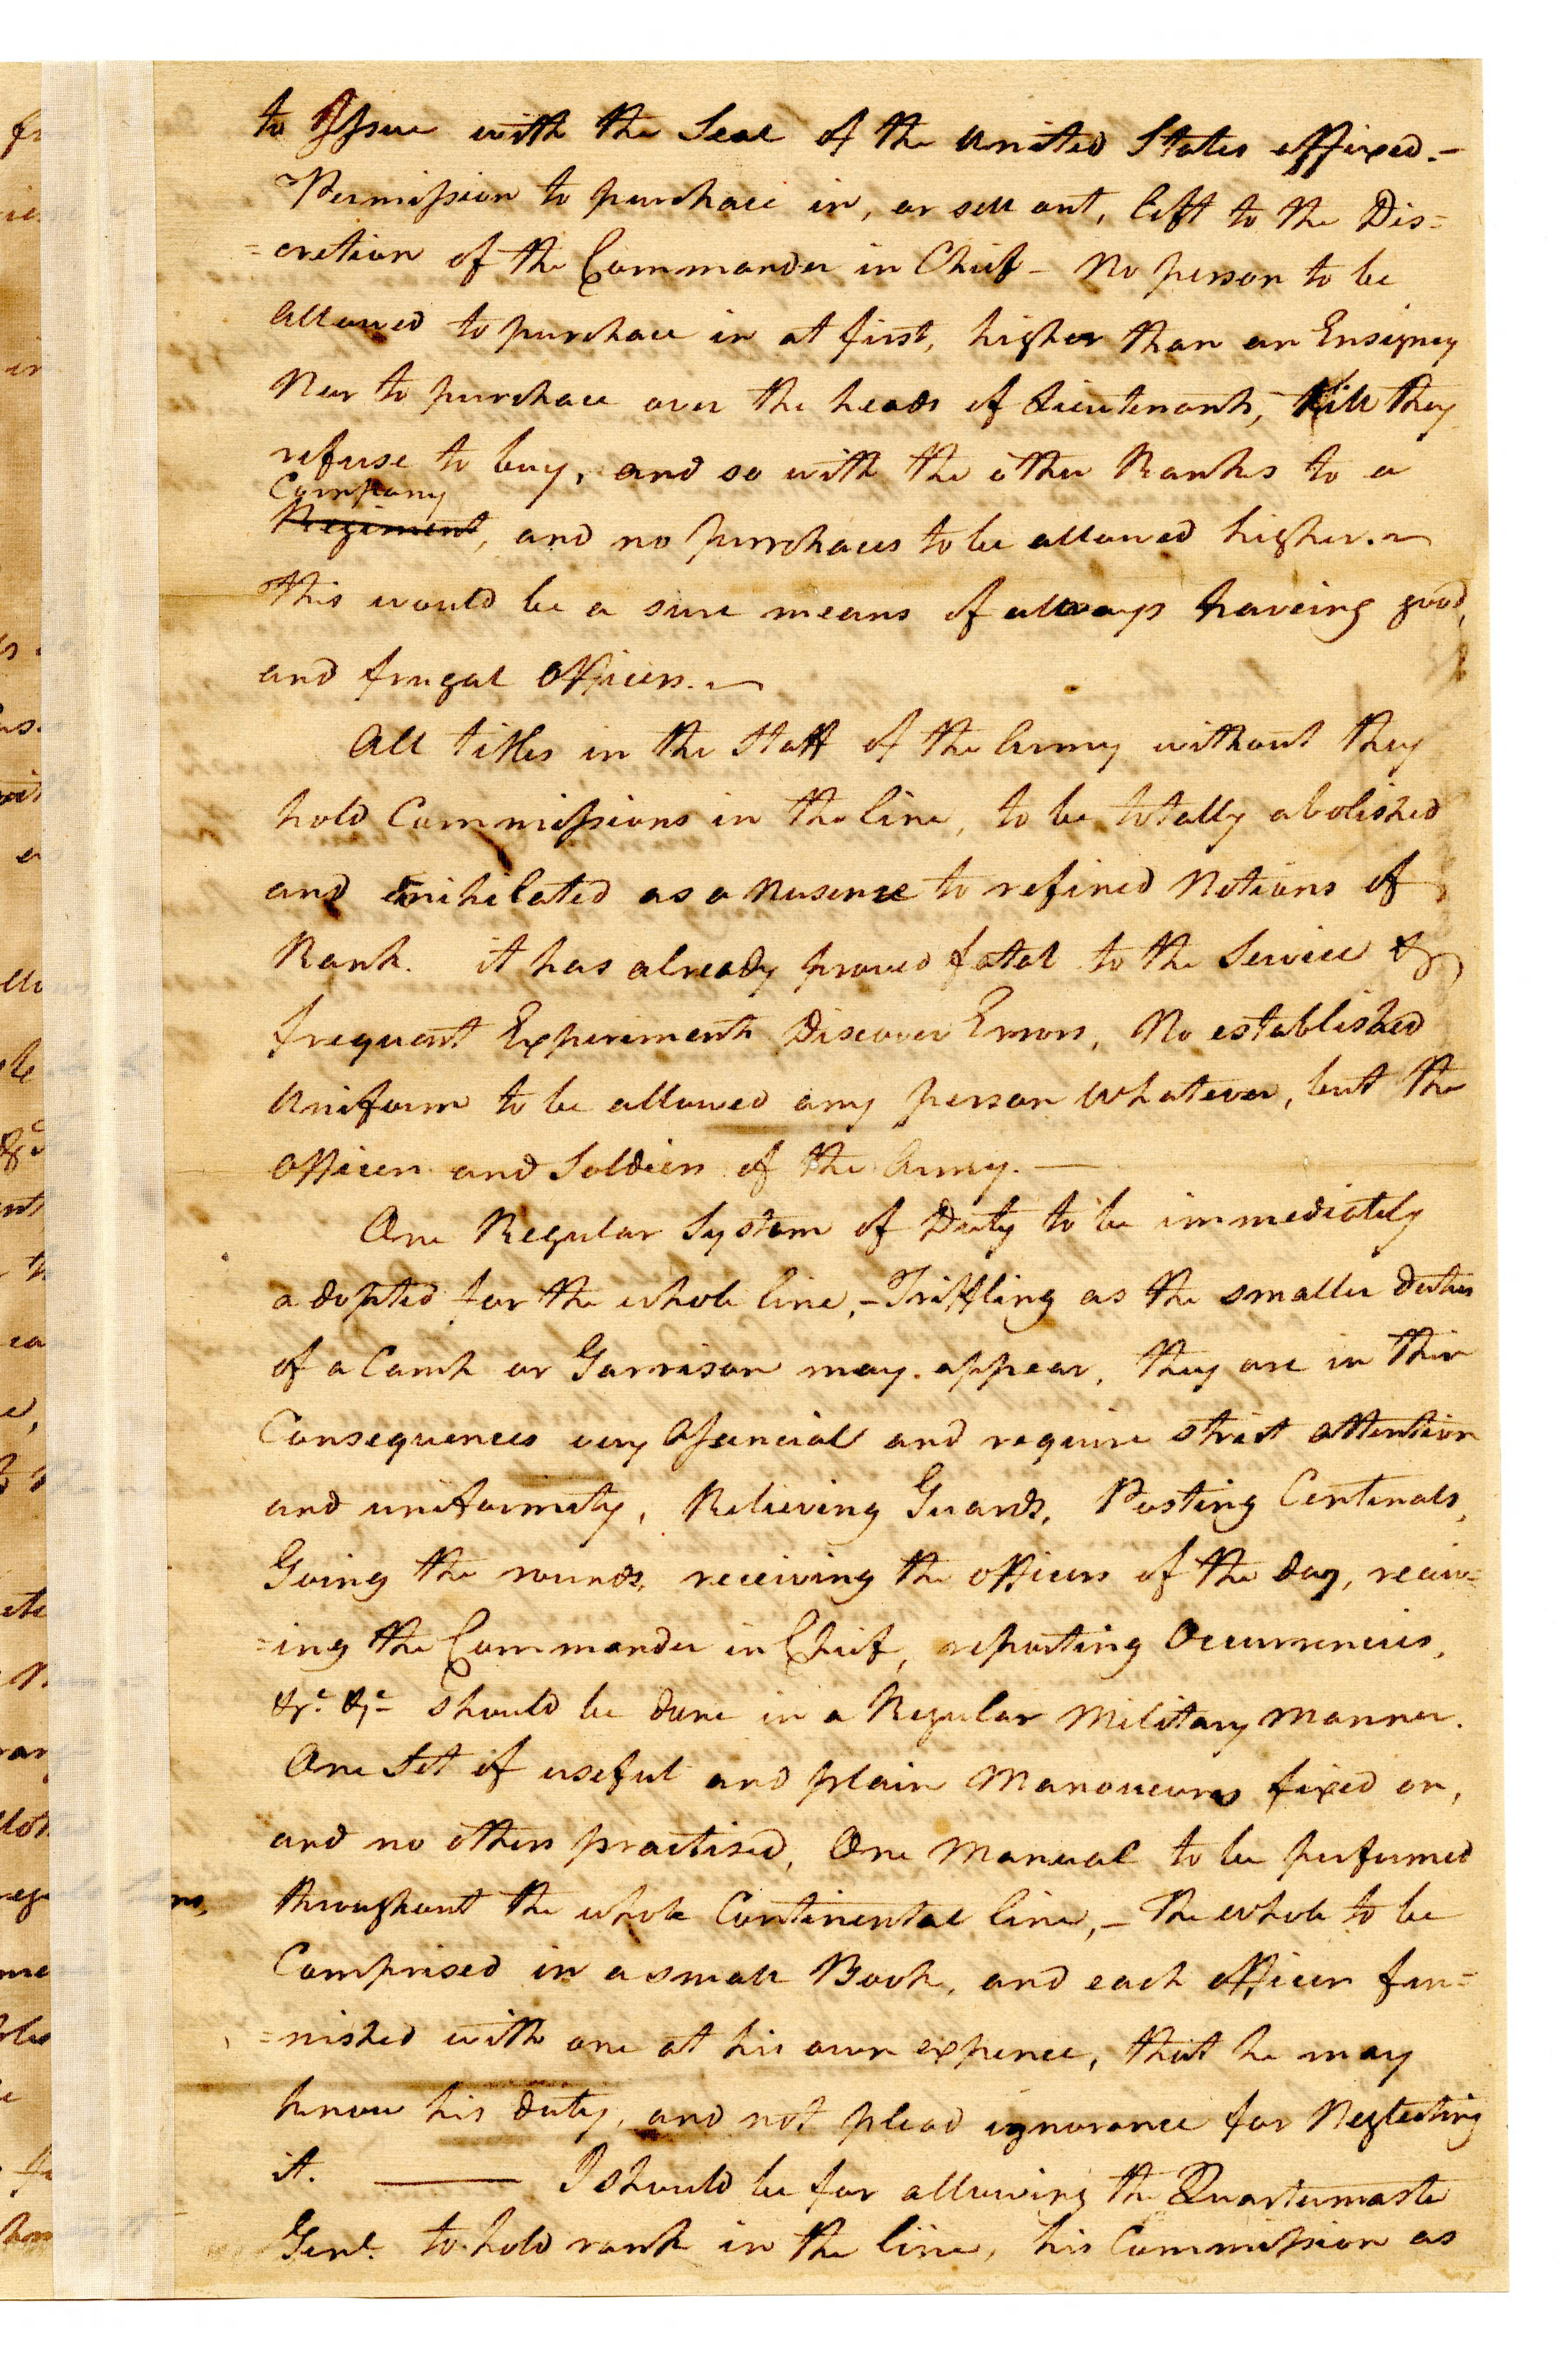to Issue with the Seal of the United States affixed.-
Permission to purchase in, or sell out, left to the Dis-
-cretion of the Commander in Chief- no person to be
allowed to purchase in at first, higher than an Ensigncy
nor to purchase over the heads of Lieutenants, till they
refuse to buy, and so with the other Ranks to a
Company
[Regiment], and no purchases to be allowed higher.-
This would be a sure means of always having good,
and frugal Officers.-
All titles in the Staff of the Army without they
hold Commissions in the line, to be totally abolished
and a^nnihilated as a nusence to refined Notions of
Rank. it has already proved fattal to the Service &
frequent Experiments Discover Errors, No established
Uniform to be allowed any person whatever, but the
Officer and Soldier of the Army.-
One Regular System of Duty to be immediately
adopted for the whole line,- Triffling as the smaller duties
of a Camp or Garrison may appear, they are in their
Consequences very Assencial and require strict attention
and uniformity, Relieving Guards, Posting Centinals,
Going the rounds, receiving the officers of the day, receiv-
-ing the Commander in Chief, reporting Occurrencies,
&c^a. &c^a should be done in a Regular Military Manner.
One set if useful and plain manouevrs fixed on,
and no others practiced, One manual to be performed
throughout the whole Continental line,- The whole to be
Comprised in a small Book, and each officer fur-
-nished with one at his own expence, that he may
know his duty, and not plead ignorance for neglecting
it.- I should be for allowing the Quartermaster
Gen^l. to hold rank in the line, his Commission as